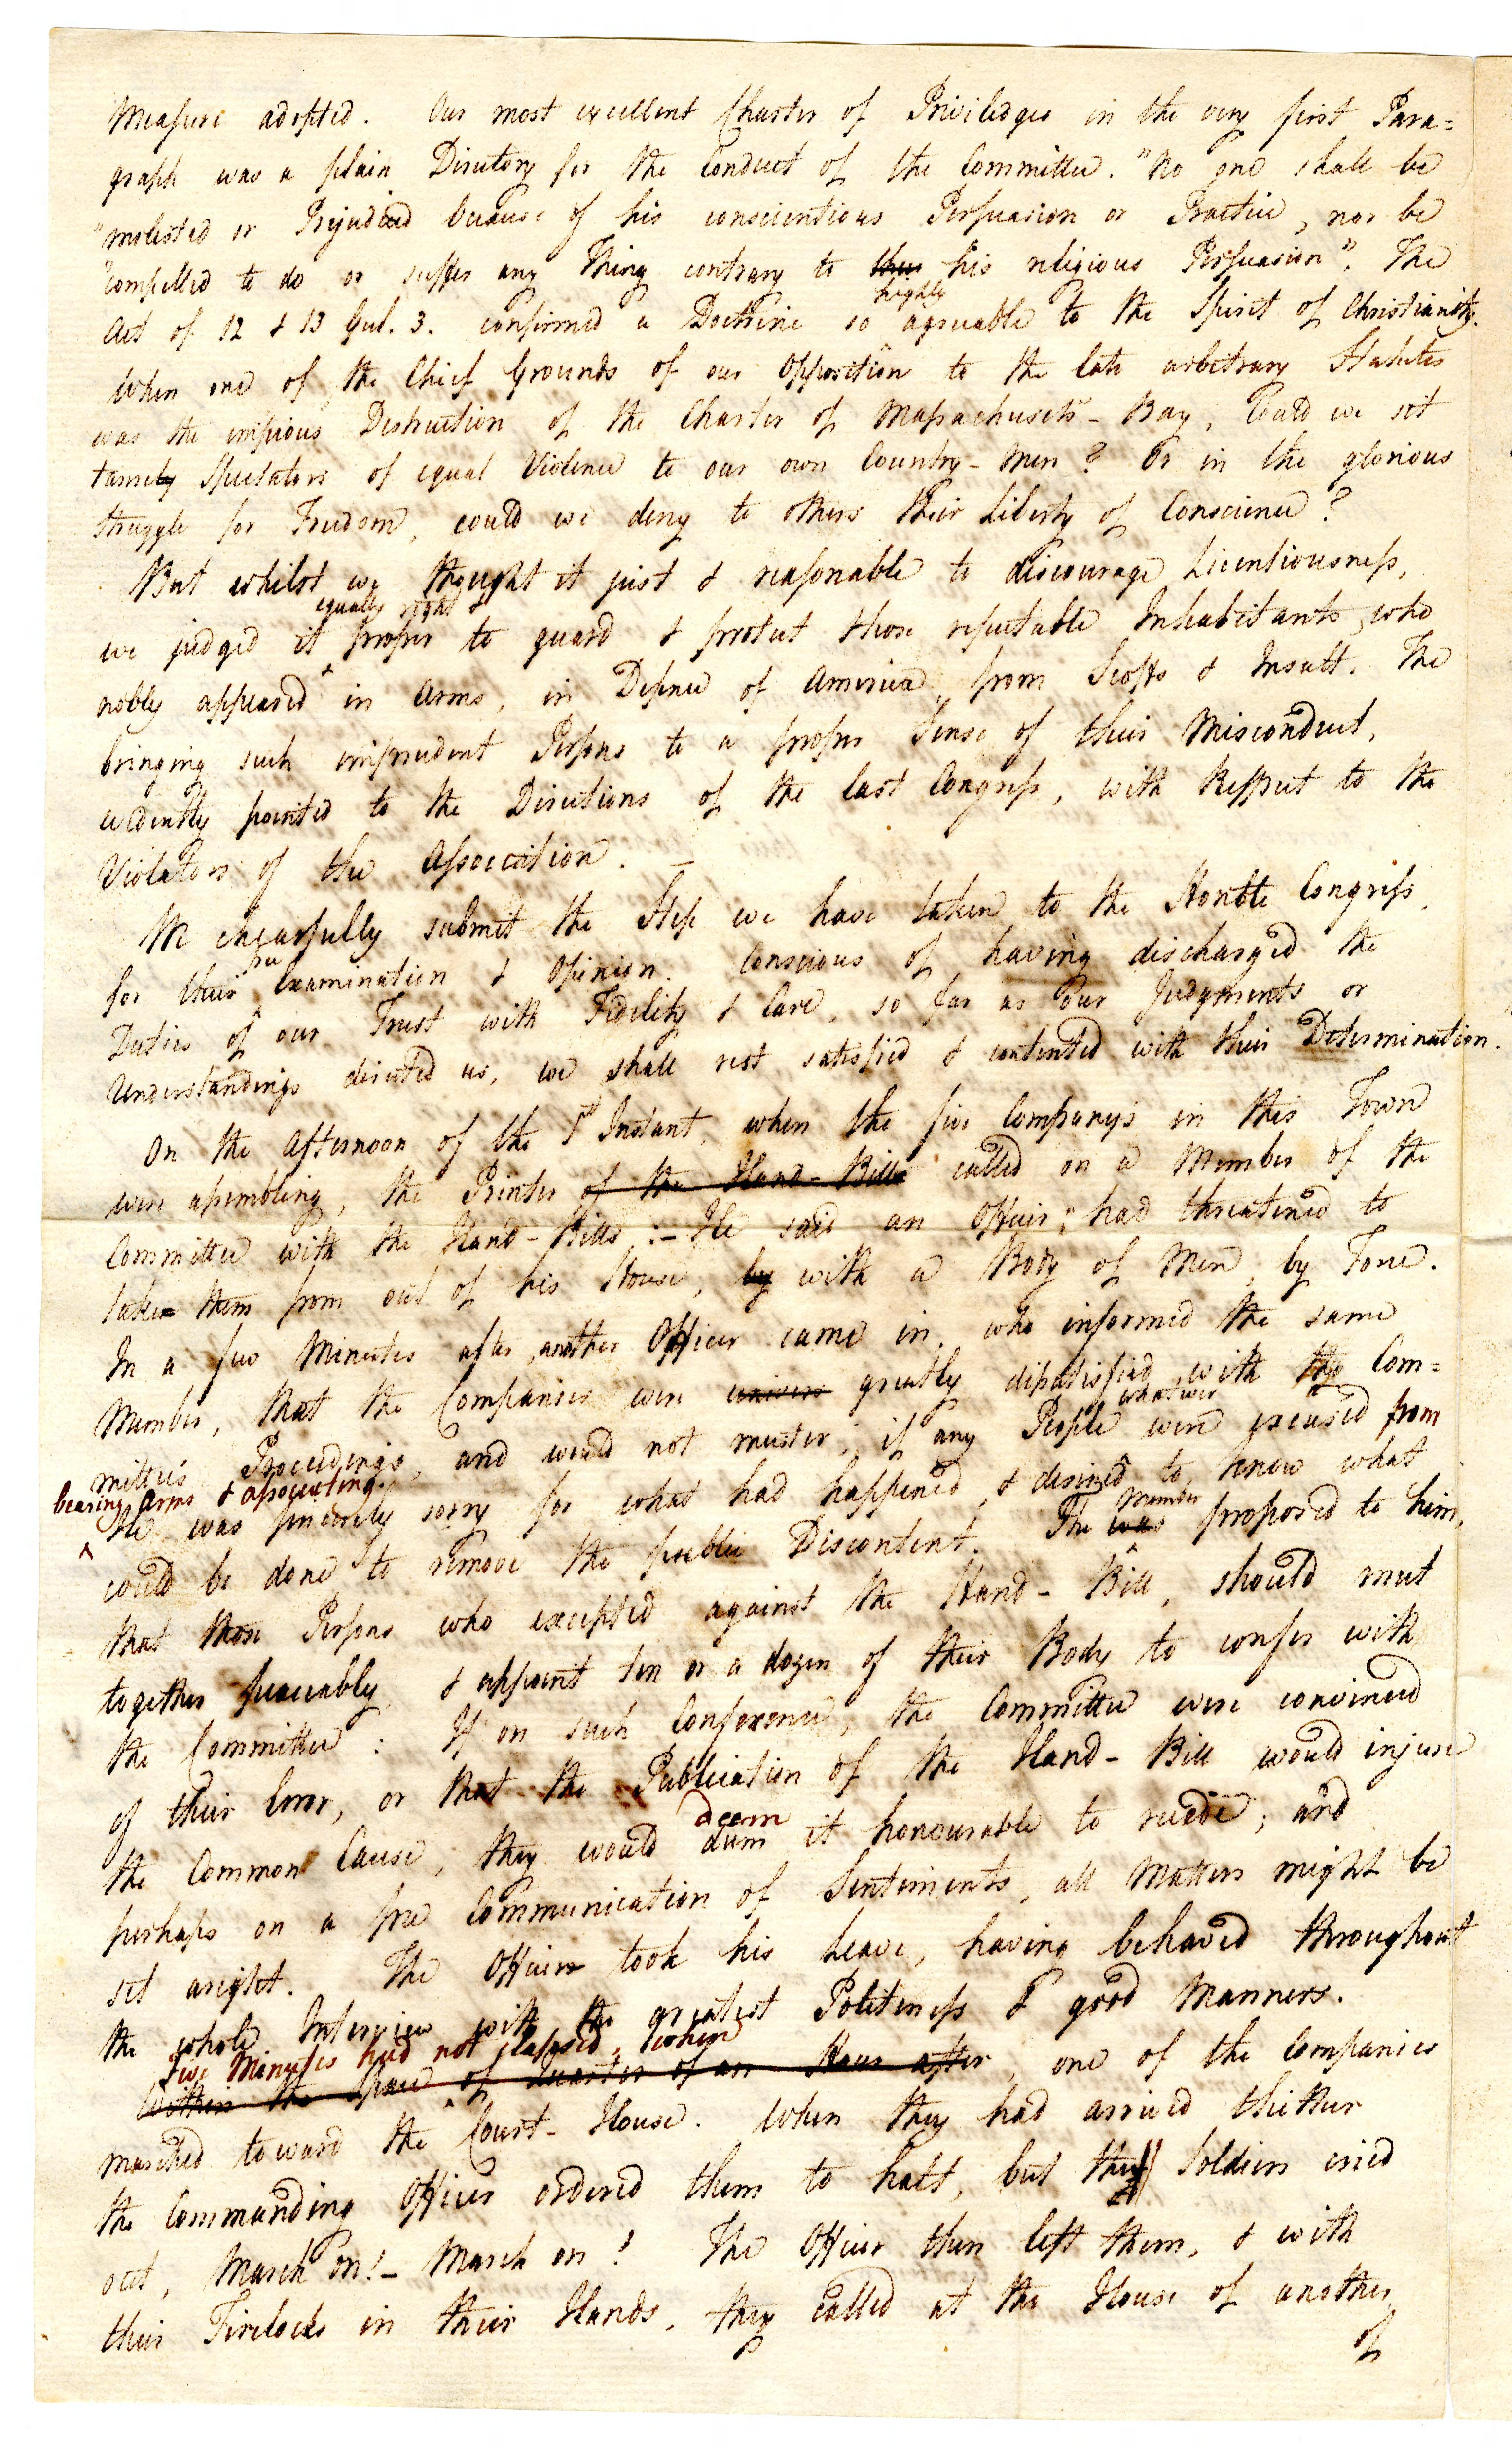Measure adopted. Our most excellent Cluster of Priviledges in the very first Para-
graph was a plain Directory for the Conduct of the Committee. "No one shall be
"molested or Prejudiced because of his conscientious Persuasion or Practice, nor be
"compelled to do or suffer any Thing contrary to their his religious Persuasion." The
Art of 12 & 13 Gul. 3. confirmed a Doctrine so ^ agreeable to the Spirit of Christianity.
When one of the Chief Grounds of our Opposition to the late arbitrary statutes
was the impious Destruction of the Charter of Massachusetts Bay, Could we sit
tamely Spctators of equal Violence to our own Country-men? Or in the glorious
Struggle for Freedom could we deny to others their Liberty of Conscience?
But whilst we thought it just & reasonable to discourage Licentiousness,
equally right
we judged it ^ proper to guard & protect those respectable Inhabitants who
nobly appeared in arms, in Defence of America, from Scoffs & Insult. The
bringing such impudent Persons to a proper Sense of their Misconduct,
evidently pointed to the Directions of the last Congress, with Respect to the
Violations of the Association.
We chearfully submit the Step we have taken to the Honble Congress
free
for their ^ Examination & Opinion Conscious of having discharged the
Duties of our Trust with Fidelity & Care so for as our Judgments or
Understandings directed us, we shall rest satisfied & contented with their Determination
On the afternoon of the 1^st Instant when the five Companys in this Town
were assembling, the Printer [of the Hand-Bills] called on a Member of the
Committee with the Hand- Bills: He said an Officer had threatened to
take them from out of his House, by with a Body of Men; by Force.
In a few minutes after another Officer came in, who informed the same
Member, that the Companies were univers- greatly dissatisfied with the Com-
whatever
-mittees Proceedings. and would not muster if any People ^ were excused from
bearing Arms & associating
^ He was sincerely sorry for what had happened & desired to know what
Member
could be done to remove the fembler Discontent .The [__]^ proposed to him
that those Persons who excepted against the Hand-Bill, should meet
together peacably & appoint ten or a dozen of their Body to confer with
the Committee: If on such Conference the Committee were convinced
of their Error, or that the Publication of the Hand- Bill would injure
deem
the Common Cause, they would deem it honourable to ruede; and
perhaps on a free communication of Sentiments, all Matters might be
set aright. The Officer took his leave, having behaved throughout
the whole Interview with the greatest Politeness & good Manners.
Five Minutes
had not elapsed when
[Within the space of quarter of an hour after] one of the Companies
marched toward the Court House when they had arrived thither
the Commanding Officer ordered them to halt, but the Soldiers cried
out, March on! March on! The Officer then left them, & with
their Firelocks in their Hands, thy called at the House of another
of